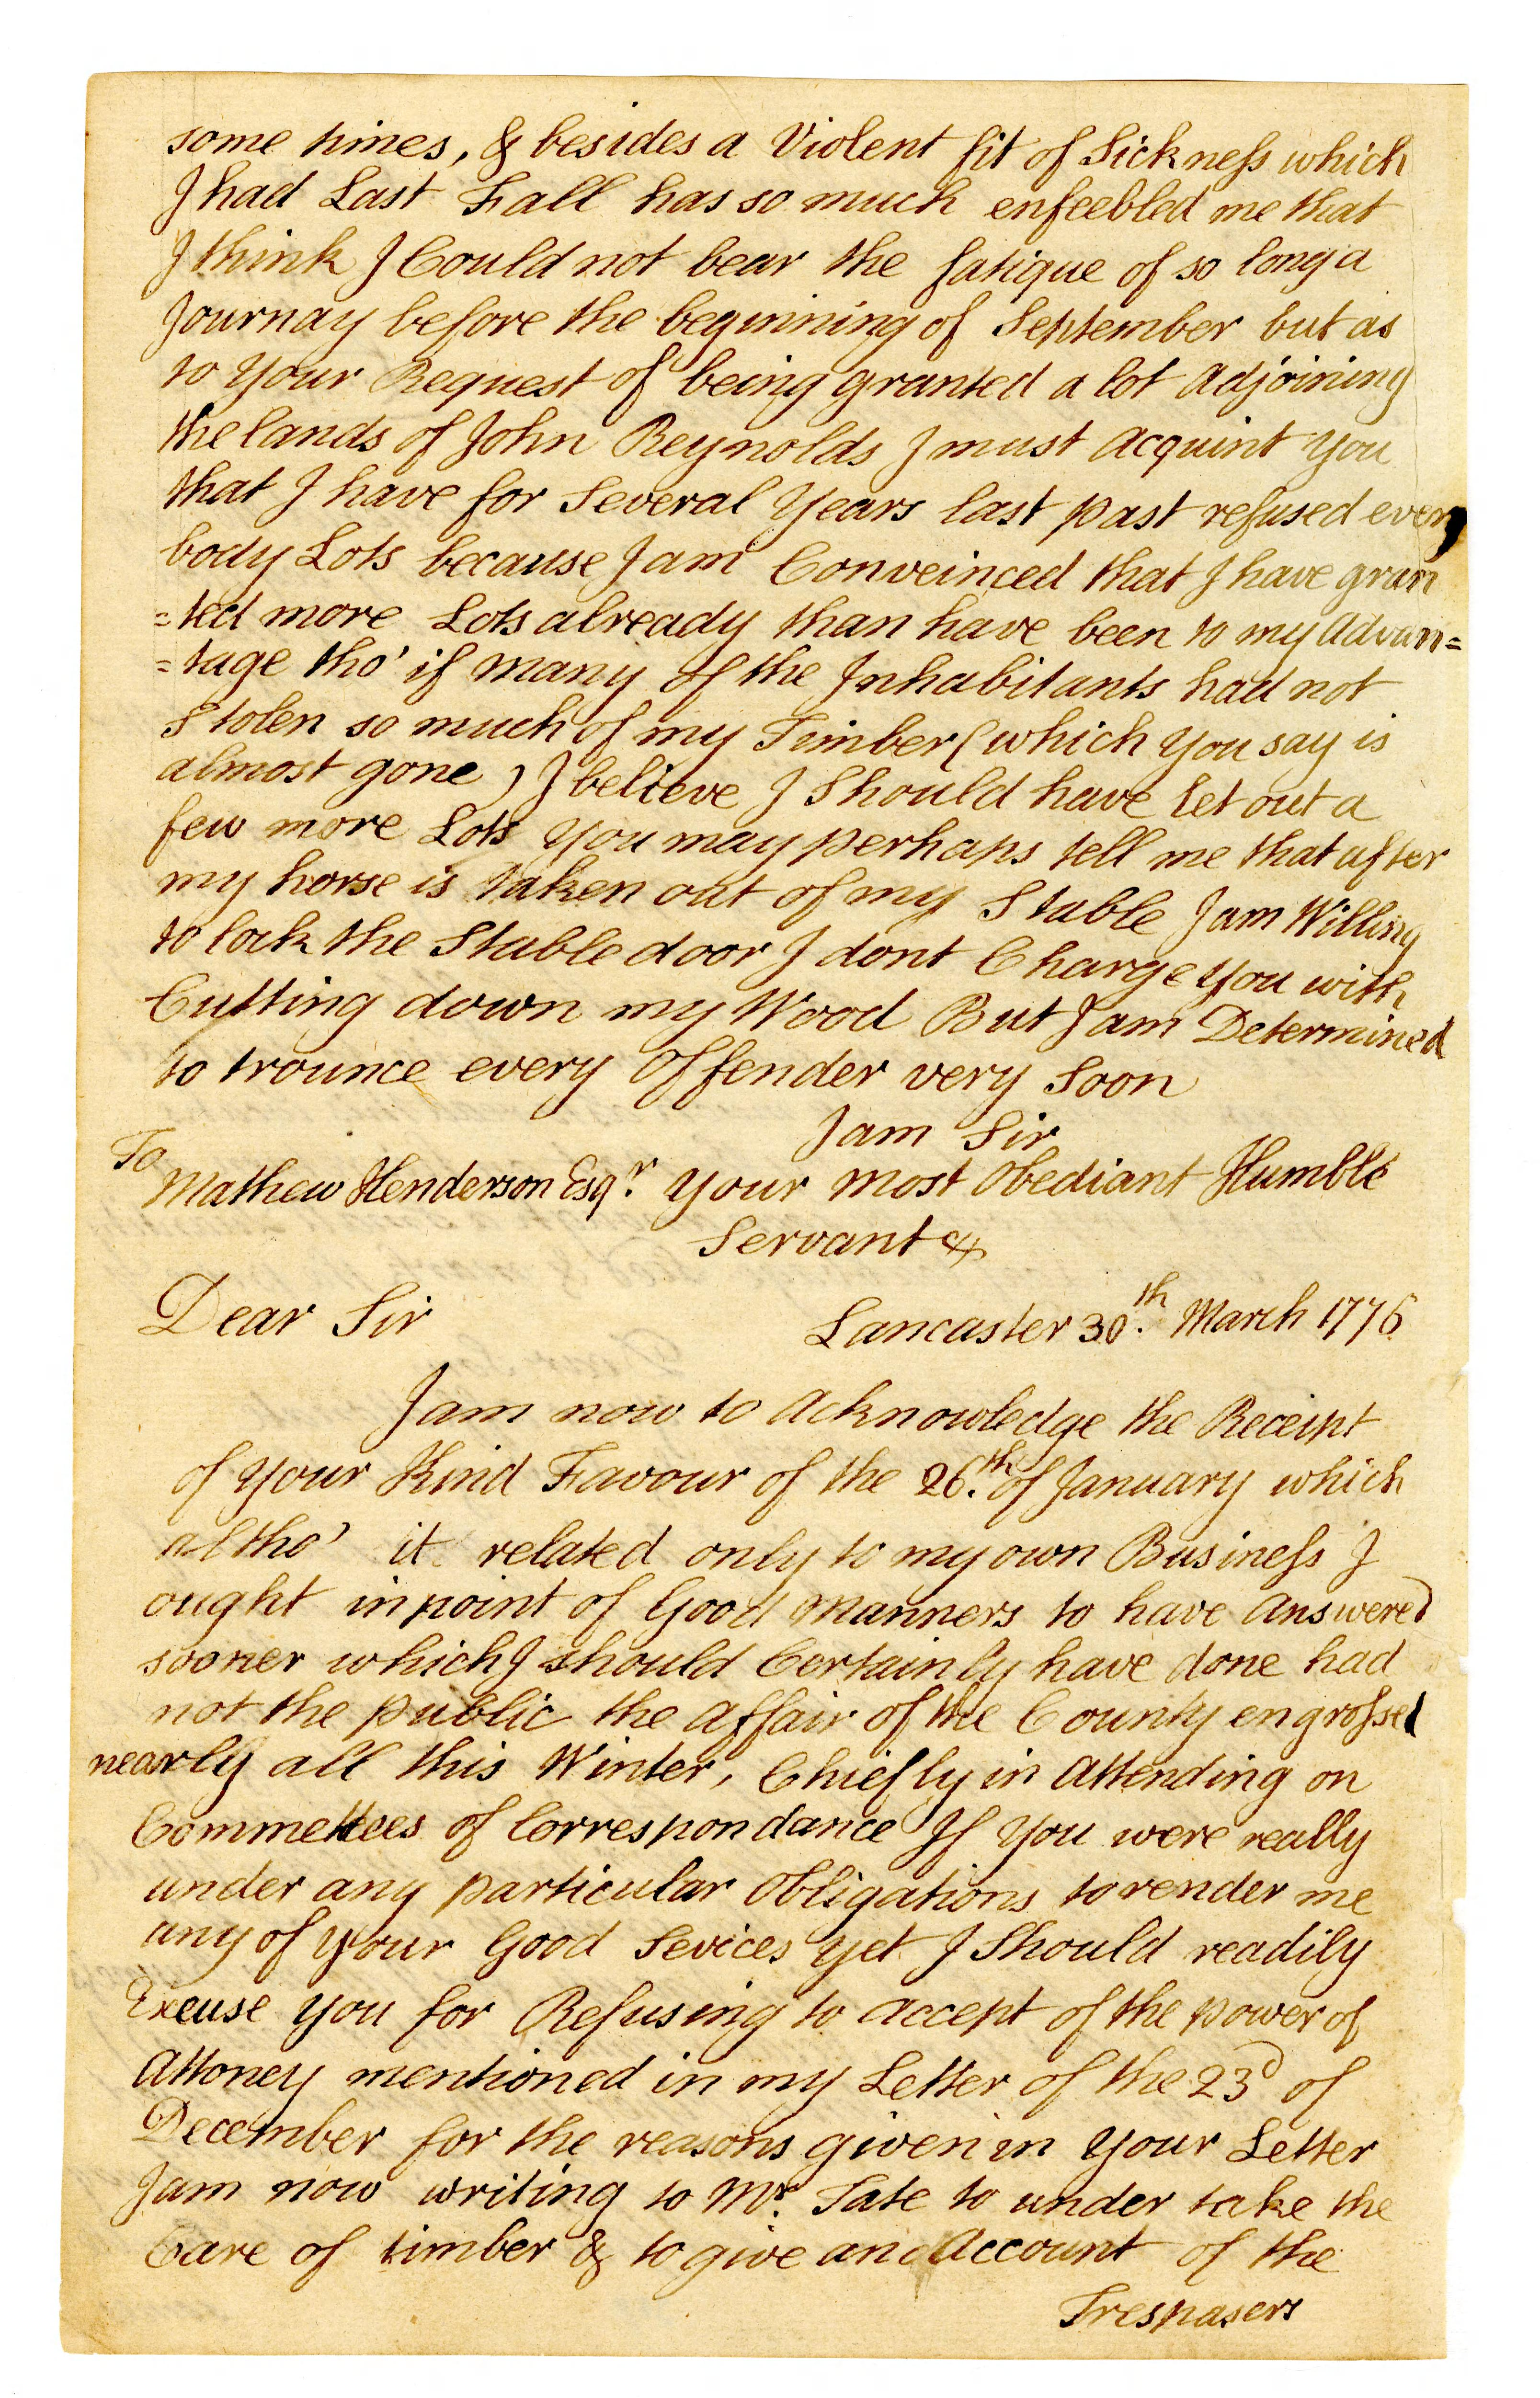some times, & besides a Violent fit of Sickness which
I had Last Fall has so much enfeebled me that
I think I Could not bear the fatigue of so long a
Journay before the beginning of September but as
to Your Request of being granted a lot Adjoining
the lands of John Reynolds I must Acquint You
that I have for Several Years last past refused every
body Lots because I am Conveinced that I have gran
-ted more Lots already than have been to my Advan-
-tage tho' if many of the Inhabitants had not
Stolen so much of my Timber (which You say is
almost gone) I believe I Should have let out a
few more Lots You may perhaps tell me that after
my horse is taken out of my Stable I am Willing
to lock the Stable door I dont Charge You with
Cutting down my Wood But I am Determined
to trounce every offender very Soon
I am Sir
Your most obediant Humble
Servant &
To
Mathew Henderson Esq^r.
Lancaster 30^th. March 1776
Dear Sir
I am now to Acknowledge the Receipt
of Your Kind Favour of the 26^th. of January which
altho it related only to my own Business I
ought in point of Good Manners to have Answered
sooner which I should Certainly have done had
not the public the Affair of the County engrossed
nearly all this Winter, Chiefly in Attending on
Commettees of Correspondance If You were really
under any particular Obligations to render me
any of Your Good Sevices Yet I Should readily
Excuse you for Refusing to Accept of the power of
Attoney mentioned in my Letter of the 23^d of
December for the reasons given in Your Letter
I am now writing to M^r. Tate to under take the
Care of timber & to give an Account of the
Trespasers